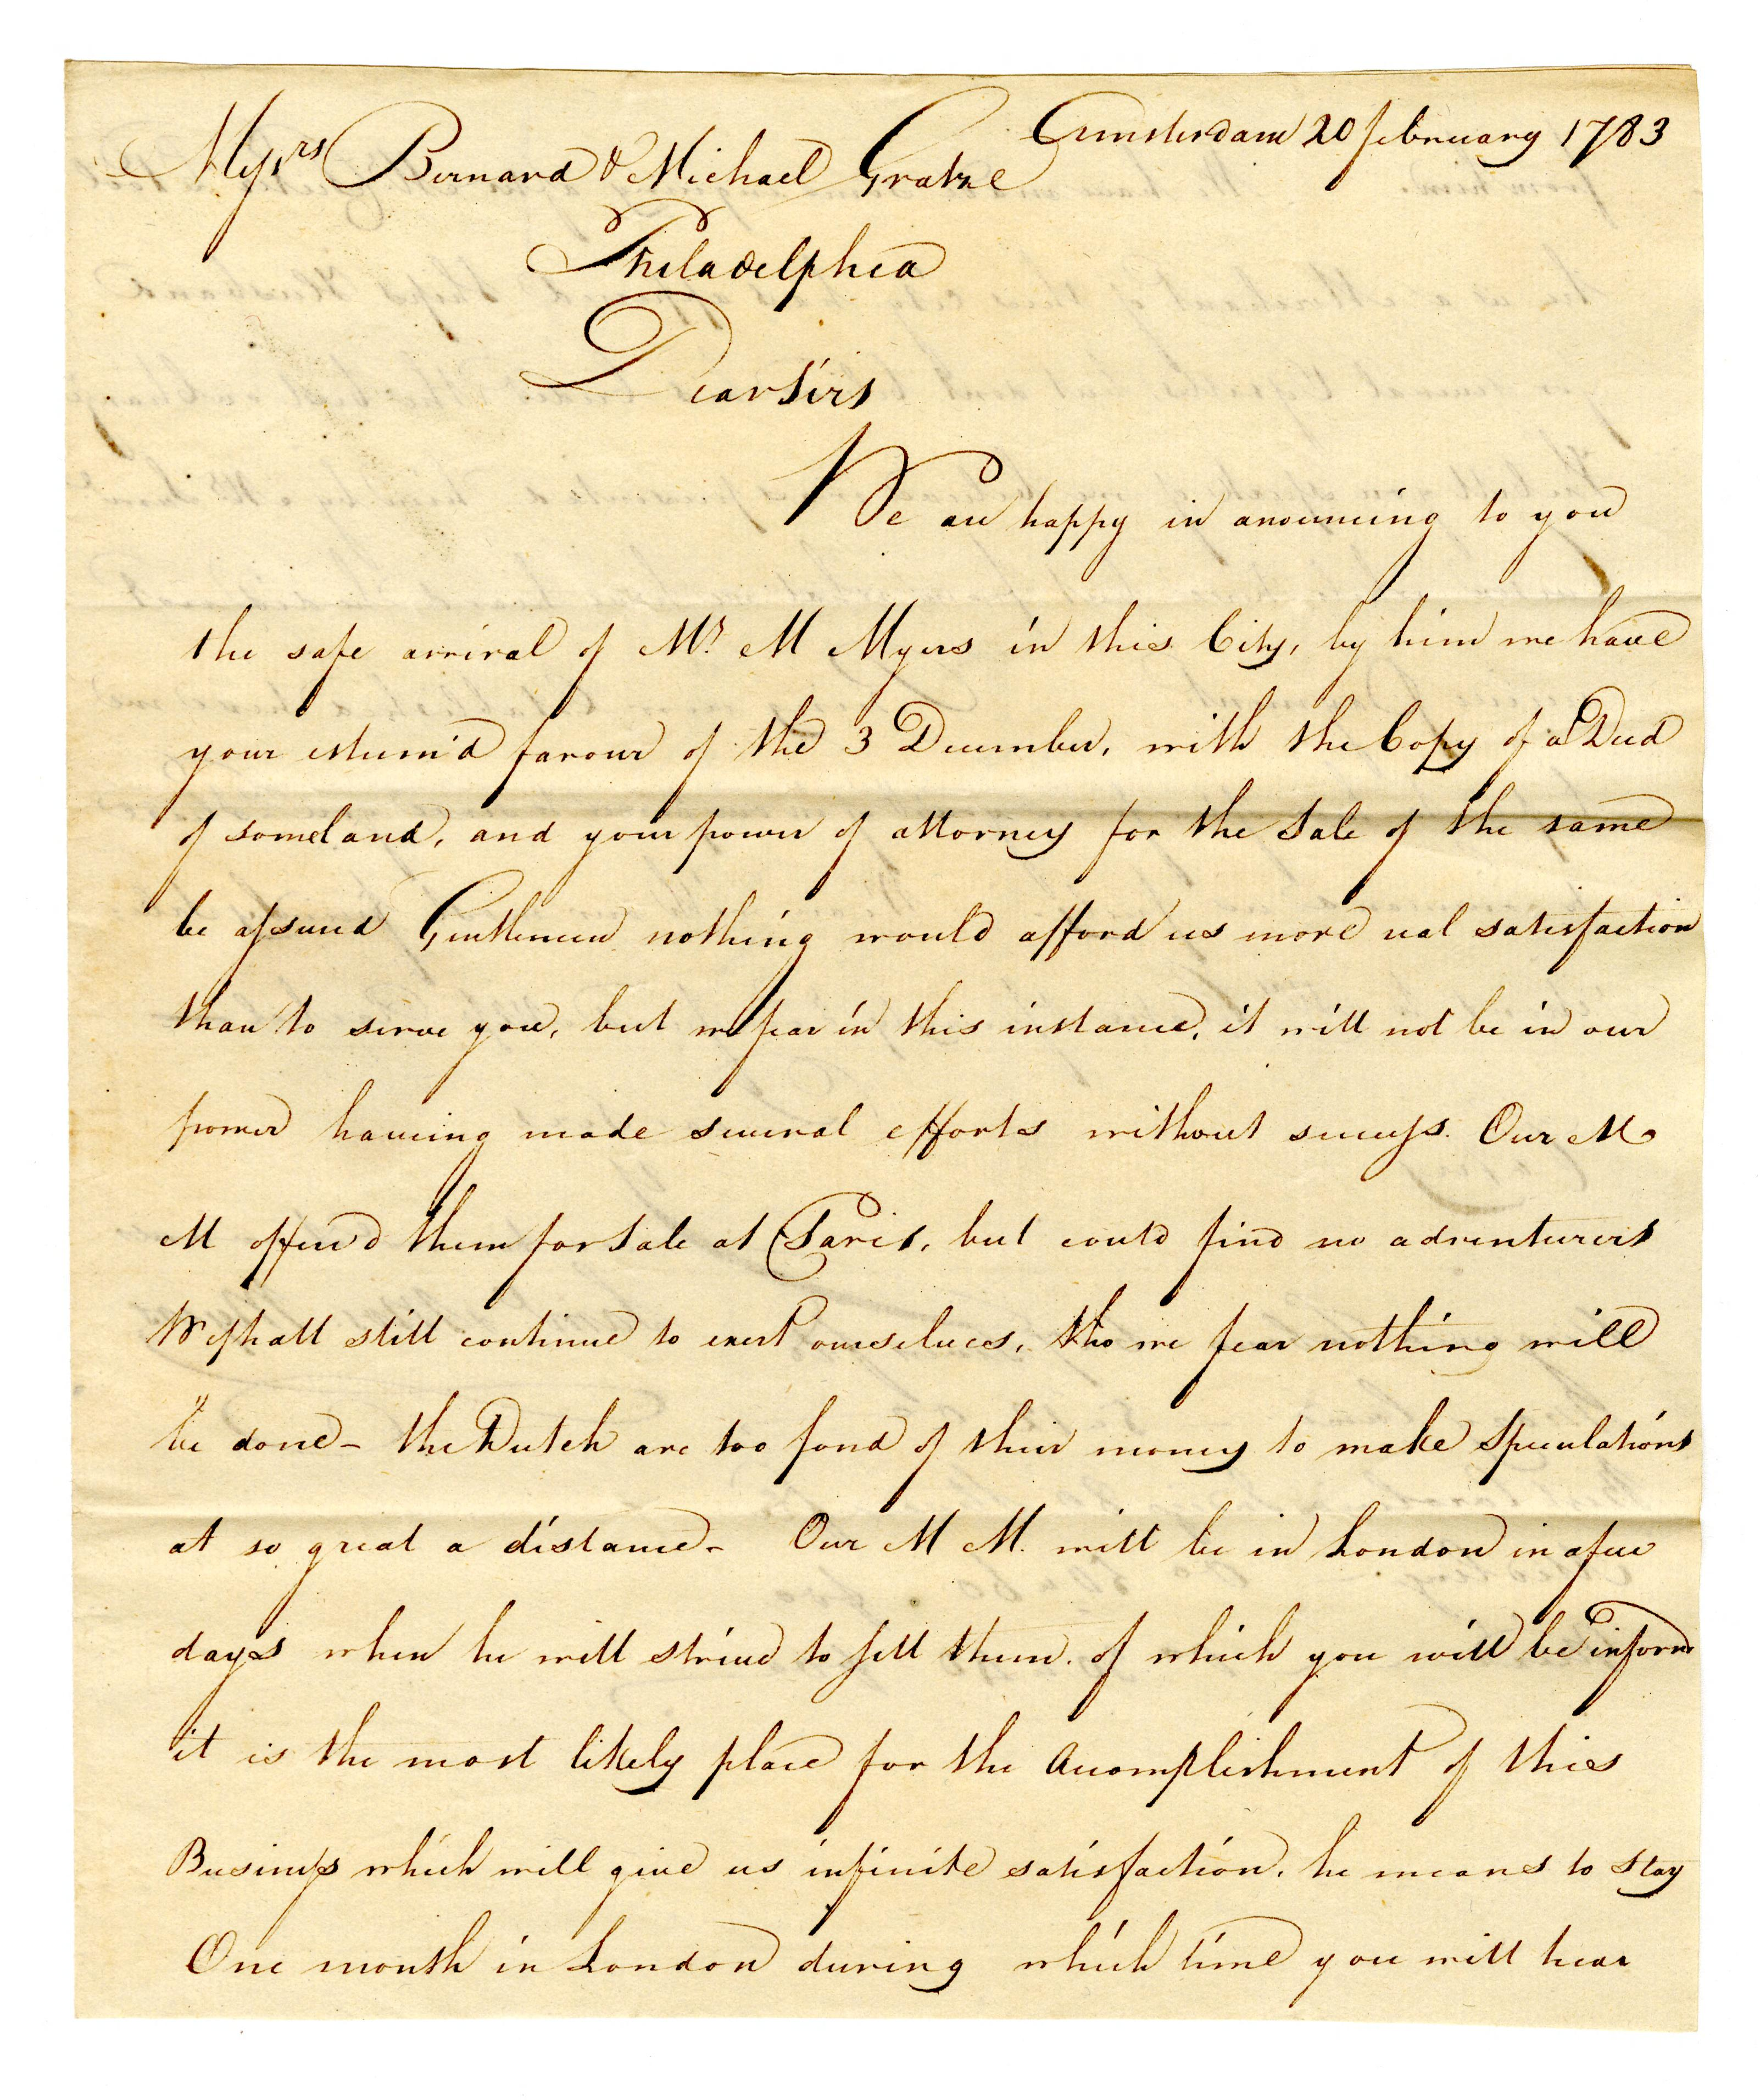Amsterdam 20 February 1783
Mess^rs Bernard & Michael Gratz
Philadelphia
Dear Sirs
We are happy in anserring to you
the safe arrival of M^r. M Myers in this City, by him we have
your return'd favour of the 3 December with the Copy of a Deed
of someland and your power of attorney for the Sale of the same
be assurd Gentlemen nothing would afford us more real satisfaction
than to serve you, but my fear in this instance, it will not be in our
power having made several efforts without success Our M
M offer'd them for Sale at Paris but could find no adventurers
We shall still continue to exert ourselves, tho we fear nothing will
be done.- the Dutch are too fond of their money to make Speculations
at so great a distance. Our M M will be in London in a few
days when he well strive to sell them of which you will be informd
it is the most likely place for the accomplishment of this
Business which will give us infinite satisfaction, he means to stay
One month in London during which time you will hear